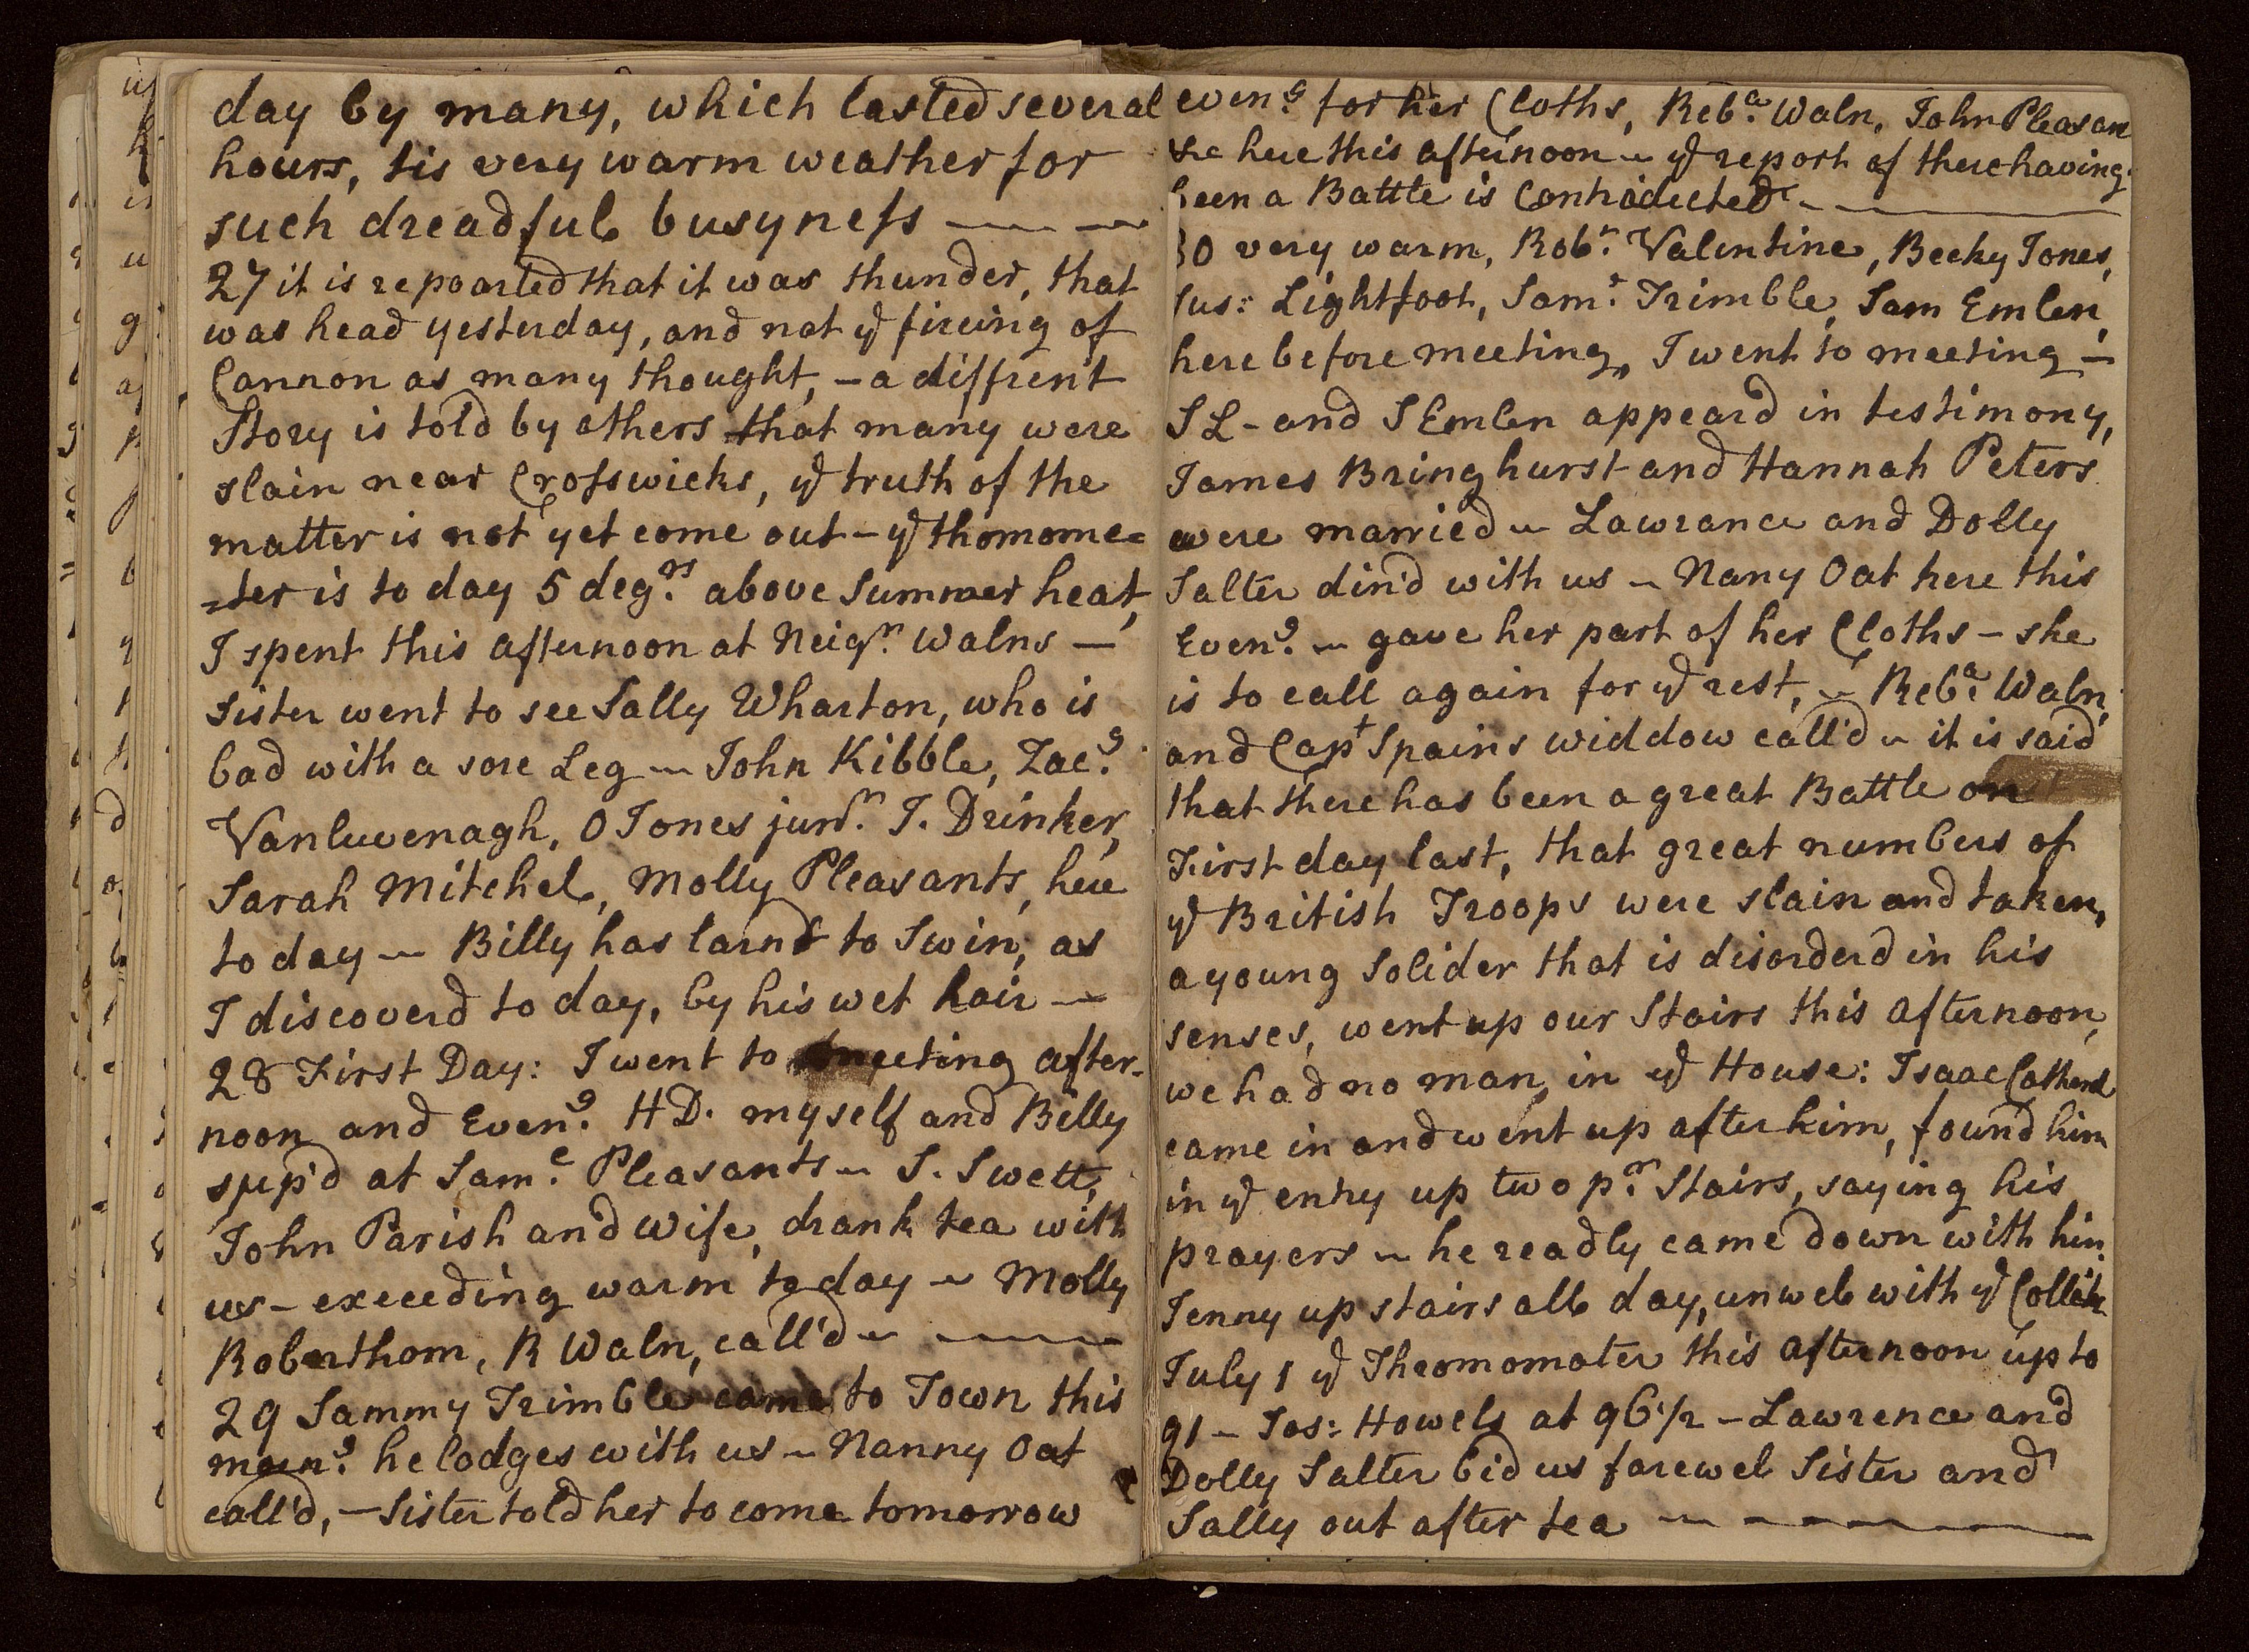day by many, which lasted several
hours, tis very warm weather for
such dreadful busyness--
27 it is repoarted that it was thunder, that
was head yesterday, and not y^e firing of
Cannon as many thought,- a diffrent
Story is told by others that many were
slain near Crosswicks, y^e truth of the
matter is not yet come out- y^e thomome-
-ter is to day 5 deg^rs. above Summer heat,
I spent this afternoon at Neig^r. Walns-
Sister went to see Sally Wharton, who is
bad with a sore Leg- John Kibble, Zac^g.
Vanluvenagh, O Jones jun^r. T. Drinker,
Sarah Mitchel, Molly Pleasants, here
to day- Billy has larnt to Swim, as
I discoverd to day, by his wet hair-
28 First Day: I went to meeting after-
noon and Even^g. HD myself and Billy
sup'd at Sam^l. Pleasants- S. Swett,
John Parish and wife, drank tea with
us- exceeding warm today- Molly
Roberthom, R Waln, call'd- -
29 Sammy Trimble came to Town this
morn^g. he lodges with us- Nanny out
call'd,- Sister told her to come tomorrow
even^g. for her Cloths, Reb^a. Waln, John Pleasan
&c here this afternoon- y^e report of there having
been a Battle is Contradicted- -
[3]0 very warm, Rob^t. Valentine, Becky Jones,
[_]us: Lightfoot, Sam^l. Trimble, Sam Emlen,
here before meeting, I went to meeting-
SL- and S Emlen appeard in testimony,
James Bringhurst and Hannah Peters
were married- Lawrance and Dolly
Salter din'd with us- Nany Oat here this
even^g.- gave her part of her Cloths- she
is to call again for y^e rest,- Reb^a. Waln
and Cap^t Spains Widdow call'd- it is said
that there has been a great Battle on
First day last, that great numbers of
y^e British Troops were slain and taken,
a young Solider that is disorderd in his
senses, went up our Stairs this afternoon,
we had no man, in y^e House: Isaac Catheral
came in and went up after him, found him
in y^e entry up two p^r. Stairs, saying his
prayers- he readly came down with him.
Jenny upstairs all day, unwel with y^e Collik
July 1 y^e Thromomater this afternoon up to
91- Jos: Howels at 96 1/2- Lawrence and
Dolly Salter bid us farewel Sister and
Sally out after tea